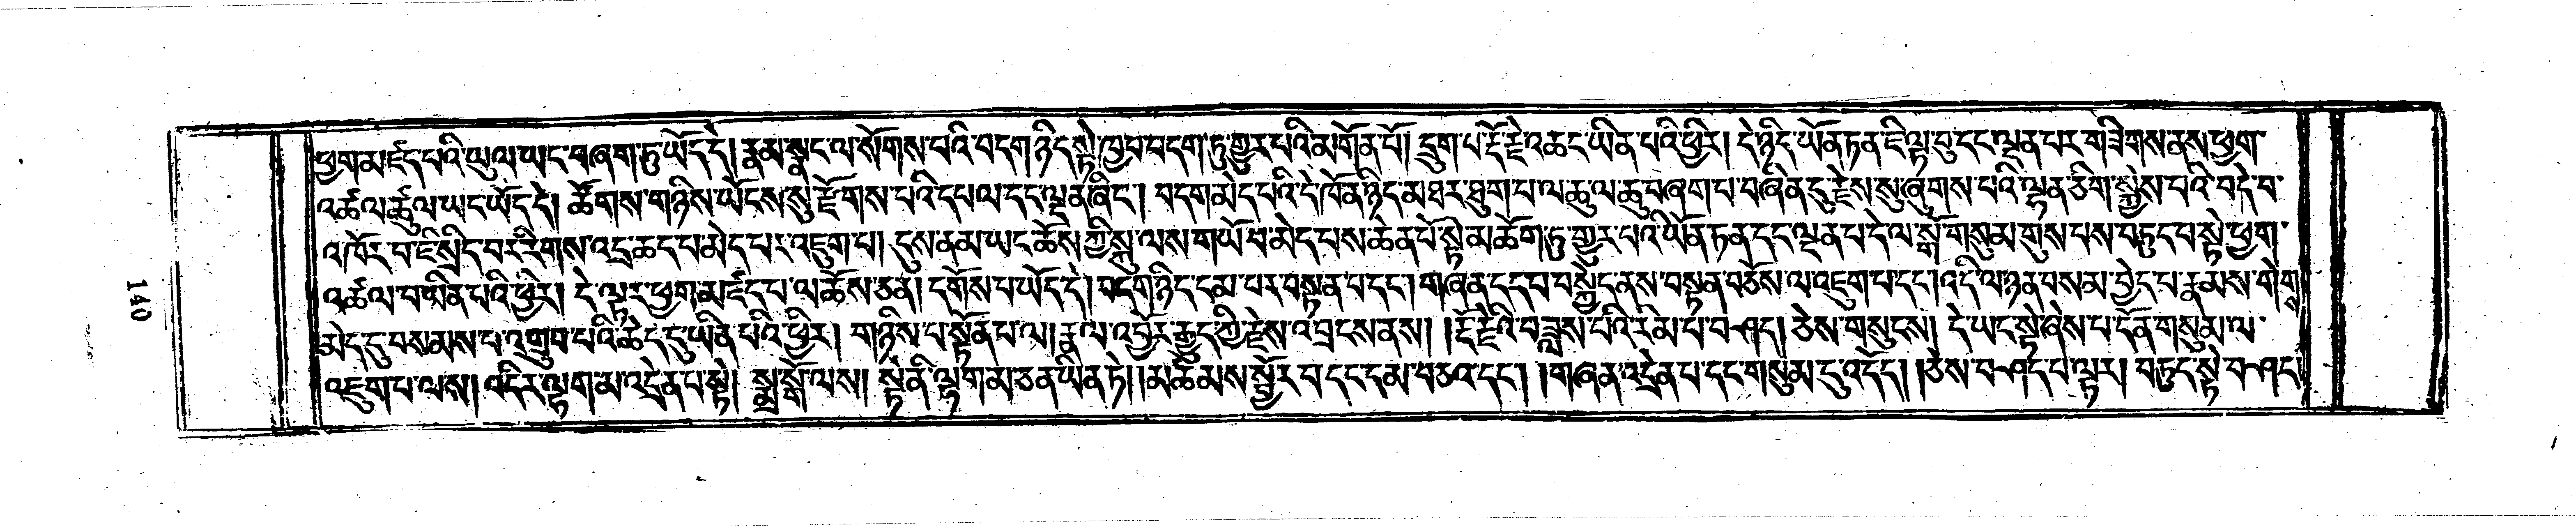ཕྱག་མཛད་པའི་ཡུལ་ཡང་བཞག་ཏུ་ཡོད་དེ། རྣམ་སྣང་ལ་སོགས་པའི་བདག་ཉིད་སྟེ་ཁྱབ་བདག་ཏུ་གྱུར་པའི་མགོན་པོ། དྲུག་པ་རྡོ་རྗེ་འཆང་ཡིན་པའི་ཕྱིར། དེ་ཉིད་ཡོན་ཏན་ཇི་ལྟ་བུ་དང་ལྡན་པར་གཟིགས་ནས་ཕྱག་
འཚལ་ཚུལ་ཡང་ཡོད་དེ། ཚོགས་གཉིས་ཡོངས་སུ་རྫོགས་པའི་དཔལ་དང་ལྡན་ཞིང་། བདག་མེད་པའི་དེ་ཁོ་ན་ཉིད་མཐར་ཐུག་པ་ལ་ཆུ་ལ་ཆུ་བཞག་པ་བཞིན་དུ་རྗེས་སུ་ཞུགས་པའི་ལྷན་ཅིག་སྐྱེས་པའི་བདེ་བ་
འཁོར་བ་ཇི་སྲིད་བར་རིགས་འདྲ་ཆད་པ་མེད་པར་འཇུག་པ། དུས་ནམ་ཡང་ཆོས་ཀྱི་སྐུ་ལས་གཡོ་བ་མེད་པས་ཆེན་པོ་སྟེ་མཆོག་ཏུ་གྱུར་པའི་ཡོན་ཏན་དང་ལྡན་པ་དེ་ལ་སྒོ་གསུམ་གུས་པས་བཏུད་པ་སྟེ་ཕྱག་
འཚལ་བ་ཡིན་པའི་ཕྱིར། དེ་ལྟར་ཕྱག་མཛད་པ་ལ་ཆོས་ཅན། དགོས་པ་ཡོད་དེ། བདག་ཉིད་དམ་པར་བསྟན་པ་དང་། གཞན་དད་པ་བསྐྱེད་ནས་བསྟན་བཅོས་ལ་འཇུག་པ་དང་། འདི་ལ་ཉན་བསམ་བྱེད་པ་རྣམས་གེགས་
མེད་དུ་བསམས་པ་འགྲུབ་པའི་ཆེད་དུ་ཡིན་པའི་ཕྱིར། གཉིས་པ་སྟོན་པ་ལ། རྣལ་འབྱོར་རྒྱུད་ཀྱི་རྗེས་འབྲངས་ནས། །རྡོ་རྗེའི་བཟླས་པའི་རིམ་པ་བཤད། ཅེས་གསུངས། དེ་ཡང་སྟེ་ཞེས་པ་དོན་གསུམ་ལ་
འཇུག་པ་ལས། འདིར་ལྷག་མ་འདྲེན་པ་སྟེ། སྨྲ་སྒོ་ལས། སྟེ་ནི་ལྷག་མ་ཅན་ཡིན་ཏེ། །མཚམས་སྦྱོར་བ་དང་དམ་བཅའ་དང་། །གཞན་འདྲེན་པ་དང་གསུམ་དུ་འདོད། །ཅེས་བཤད་པ་ལྟར། བཏུད་སྟེ་བཤད་